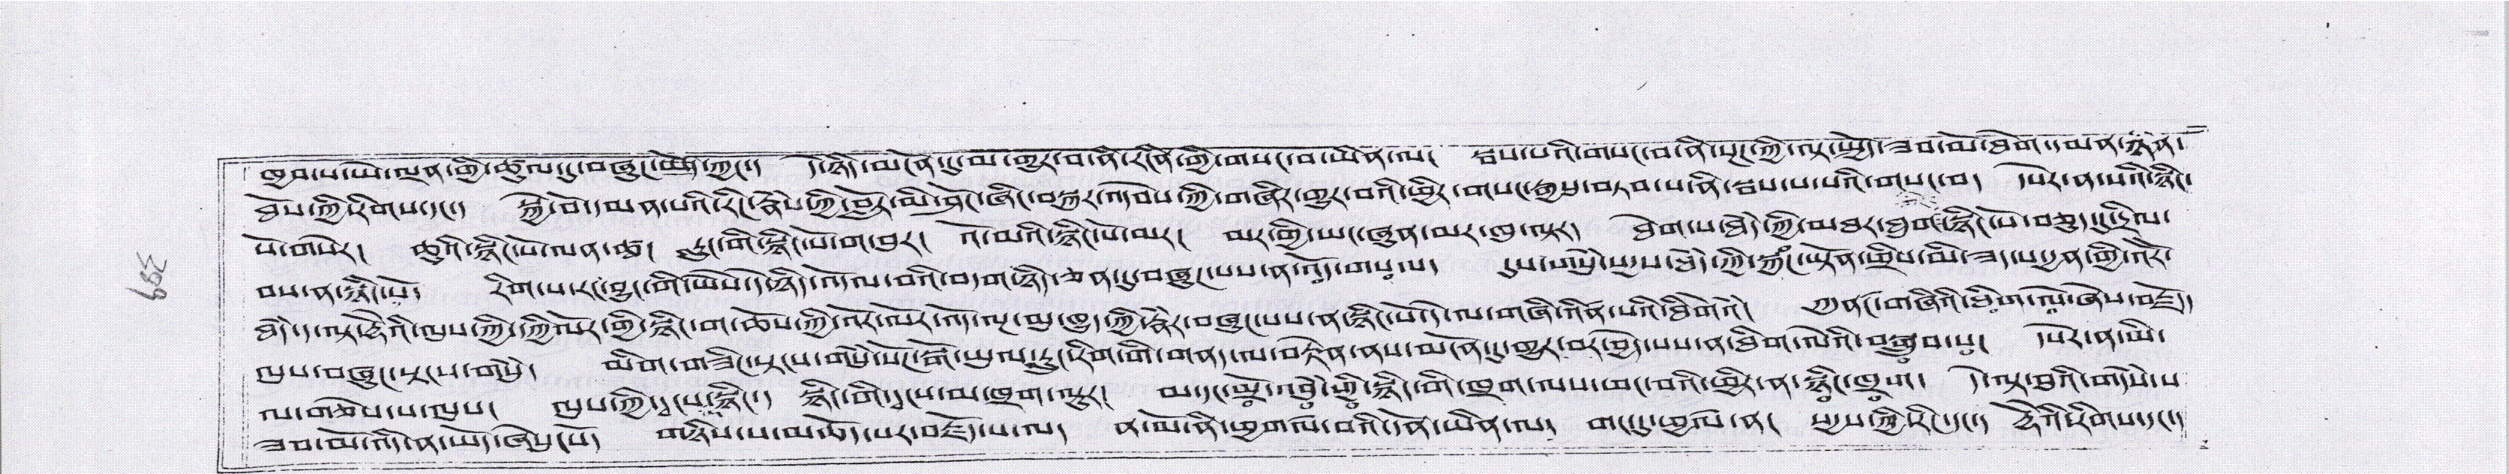ཁྱབ་པ་ཡེ་ལྡན་གྱི་ཚུལ་དུ་བཞུགས་མོད་ཀྱང་། དེ་ཉིད་མངོན་དུ་མ་གྱུར་པ་ནི་རང་བཞིན་གྱི་གསང་བ་ཡིན་ལ། སྦས་པའི་གསང་བ་ནི་སྔགས་ཀྱི་ལྟ་སྤྱོད་ཟབ་མོ་ཐོག་མར་ཉན་
ཐོས་ཀྱི་རིགས་དང་། སྐྱེ་བོ་དམན་པའི་རིགས་རྣམས་ཀྱི་བློར་མི་ཤོང་ཞིང་བསྐུར་འདེབས་ཀྱི་གཞིར་གྱུར་པའི་ཕྱིར་གསང་རྒྱས་བཏབ་པ་ནི་སྦས་པའི་གསང་བ། དཔེར་ན་སའི་སྙིང་
པོ་གསེར། ཆུའི་སྙིང་པོ་ལན་ཚྭ། རླུང་གི་སྙིང་པོ་ག་པུར། འོ་མའི་སྙིང་པོ་མར། མར་གྱི་ཡང་ཞུན་མར་ཁུ་ལྟར། ཐེག་པ་ཐམས་ཅད་ཀྱི་མཐར་ཐུག་ཅིང་སྙིངད་པོ་བཅུད་དུ་དྲིལ་
བས་ན་སྙིང་པོའོ། རིག་པ་རང་བྱུང་གི་ཡེ་ཤེས་དེ་ཉིད་འོད་གསལ་བའི་བདག་ཉིད་ཅན་དུ་བཞུགས་པས་ན་འོད་གསལ་བ། དུས་གསུམ་སངས་རྒྱས་ཐམས་ཅད་ཀྱི་སྐུ་གསུང་ཐུགས་ཡོན་ཏན་ཕྲིན་ལས་མི་ཟད་པ་རྒྱན་གྱི་འཁོར་ལོ་
ཐམས་ཅད་ད་ལྟ་རྡོ་རྗེའི་ལུས་ཀྱི་སྙིང་ག་ཆོས་ཀྱི་འཁོར་ལོར་འོད་ལྔ་མུ་ཁྱུད་ཀྱི་རྣམ་པར་བཞུགས་པས་ན་སྙིང་པོ་དེ་ལ་གཞི་འཛིན་པའི་ཐིག་ལེའམ། ཀུན་བཟང་གཞིའི་ཐིག་ལེ་ཞེས་བརྗོད། 
ལུས་བཞུགས་སྟངས་གསུམ། མིག་གཟིགས་སྟངས་གསུམ་སོགས་སྒོ་ཡུལ་རླུང་རིག་གི་གནད་ལ་བརྟེན་ནས་མངོན་དུ་གྱུར་པར་བྱེད་པས་ན་ཐིག་ལེའི་སྒྲུབ་པ། དཔེར་ན་མི་
ལ་གཅེས་པ་ལུས། ལུས་ཀྱི་དྭངས་མ་སྙིང་། སྙིང་གི་དྭངས་མ་ཁྲག་ལྟ་བུར། མ་དང་མཁའ་འགྲོ་འབུམ་གྱི་སྙིང་དང་ཁྲག་ལས་ཕངས་པའི་ཕྱིར་ན་སྙིང་ཁྲག དེ་ལྟ་བུའི་གདམས་པ་
ཟབ་མོ་འདི་ན་ཡོད་ཅེས་གསུངས་སོ། གཉིས་པ་མཆོད་པར་བརྗོད་པ་ལ། ན་མོ་ནི་ཕྱག་འཚལ་བའི་དོན་ཡིན་ལ། གང་དུ་ཕྱག་འཚལ་ན། སངས་རྒྱས་ཀྱི་རིགས་དང་། རྡོ་རྗེའི་རིགས་དང་།